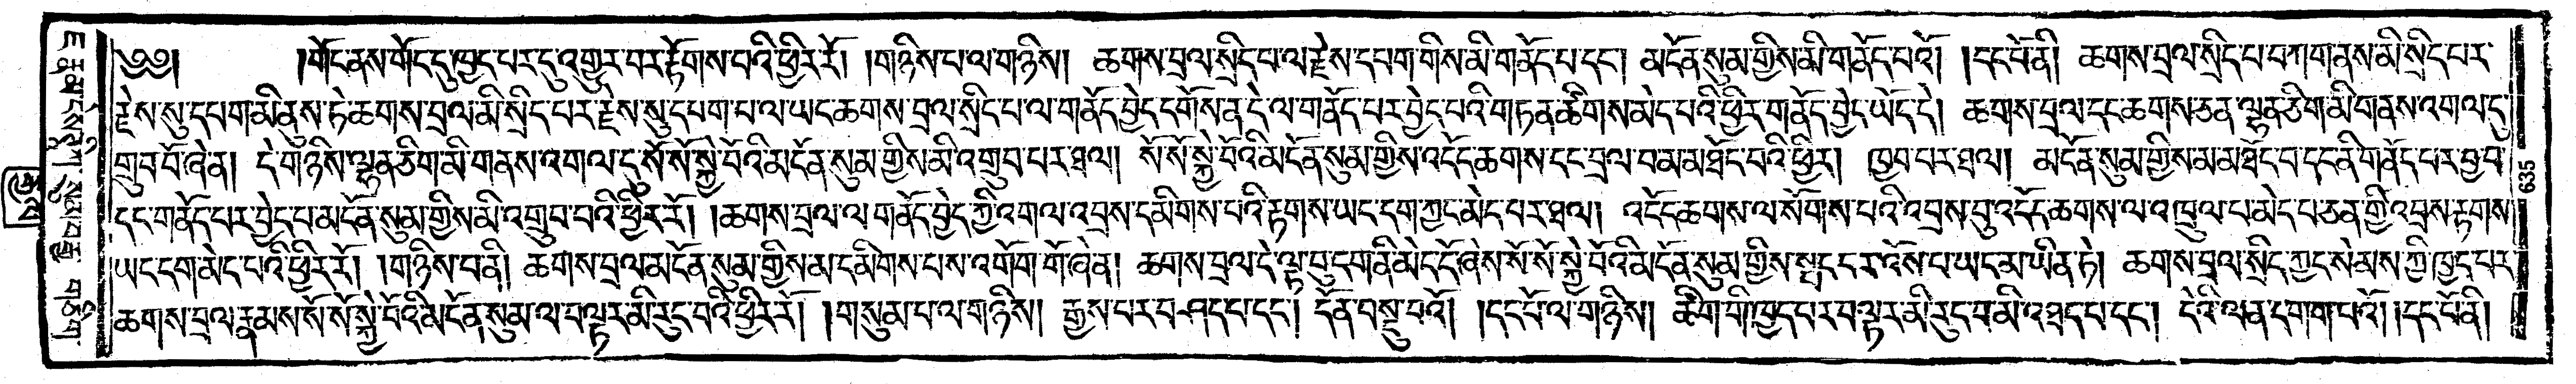༄༅། །གོང་ནས་གོང་དུ་ཁྱད་པར་དུ་འགྱུར་བར་རྟོགས་པའི་ཕྱིར་རོ། །གཉིས་པ་ལ་གཉིས། ཆགས་བྲལ་སྲིད་པ་ལ་རྗེས་དཔག་གིས་མི་གནོད་པ་དང་། མངོན་སུམ་གྱིས་མི་གནོད་པའོ། །དང་པོ་ནི། ཆགས་བྲལ་སྲིད་པ་བཀག་ནས་མི་སྲིད་པར་
རྗེས་སུ་དཔག་མི་ནུས་ཏེ་ཆགས་བྲལ་མི་སྲིད་པར་རྗེས་སུ་དཔག་པ་ལ་ཡང་ཆགས་བྲལ་སྲིད་པ་ལ་གནོད་བྱེད་དགོས་ན་དེ་ལ་གནོད་པར་བྱེད་པའི་གཏན་ཚིགས་མེད་པའི་ཕྱིར་གནོད་བྱེད་ཡོད་དེ། ཆགས་བྲལ་དང་ཆགས་ཅན་ལྷན་ཅིག་མི་གནས་འགལ་དུ་
གྲུབ་བོ་ཞེ་ན། དེ་གཉིས་ལྷན་ཅིག་མི་གནས་འགལ་དུ་སོ་སོ་སྐྱེ་བོའི་མངོན་སུམ་གྱིས་མི་འགྲུབ་པར་ཐལ། སོ་སོ་སྐྱེ་བོའི་མངོན་སུམ་གྱིས་འདོད་ཆགས་དང་བྲལ་བ་མ་མཐོང་བའི་ཕྱིར། ཁྱབ་པར་ཐལ། མངོན་སུམ་གྱིས་མ་མཐོང་བ་དང་ནི་གནོད་པར་བྱ་བ་
དང་གནོད་པར་བྱེད་པ་མངོན་སུམ་གྱིས་མི་འགྲུབ་པའི་ཕྱིར་རོ། །ཆགས་བྲལ་ལ་གནོད་བྱེད་ཀྱི་འགལ་འབྲས་དམིགས་པའི་རྟགས་ཡང་དག་ཀྱང་མེད་པར་ཐལ། འདོད་ཆགས་ལ་སོགས་པའི་འབྲས་བུ་འདོད་ཆགས་ལ་འཁྲུལ་པ་མེད་པ་ཅན་གྱི་འབྲས་རྟགས་
ཡང་དག་མེད་པའི་ཕྱིར་རོ། །གཉིས་པ་ནི། ཆགས་བྲལ་མངོན་སུམ་གྱིས་མ་དམིགས་པས་འགོག་གོ་ཞེ་ན། ཆགས་བྲལ་དེ་ལྟ་བུ་དག་ནི་མེད་དོ་ཞེས་སོ་སོ་སྐྱེ་བོའི་མངོན་སུམ་གྱིས་སྤང་ངར་འོས་པ་ཡང་མ་ཡིན་ཏེ། ཆགས་བྲལ་སྲིད་ཀྱང་སེམས་ཀྱི་ཁྱད་པར་
ཆགས་བྲལ་རྣམས་སོ་སོ་སྐྱེ་བོའི་མངོན་སུམ་ལ་བལྟར་མི་རུང་བའི་ཕྱིར་རོ། །གསུམ་པ་ལ་གཉིས། རྒྱས་པར་བཤད་པ་དང་། དོན་བསྡུ་བའོ། །དང་པོ་ལ་གཉིས། ཚིག་གི་ཁྱད་པར་བལྟར་མི་རུང་བ་མི་འཐད་པ་དང་། དེའི་ལན་དགག་པའོ། །དང་པོ་ནི།